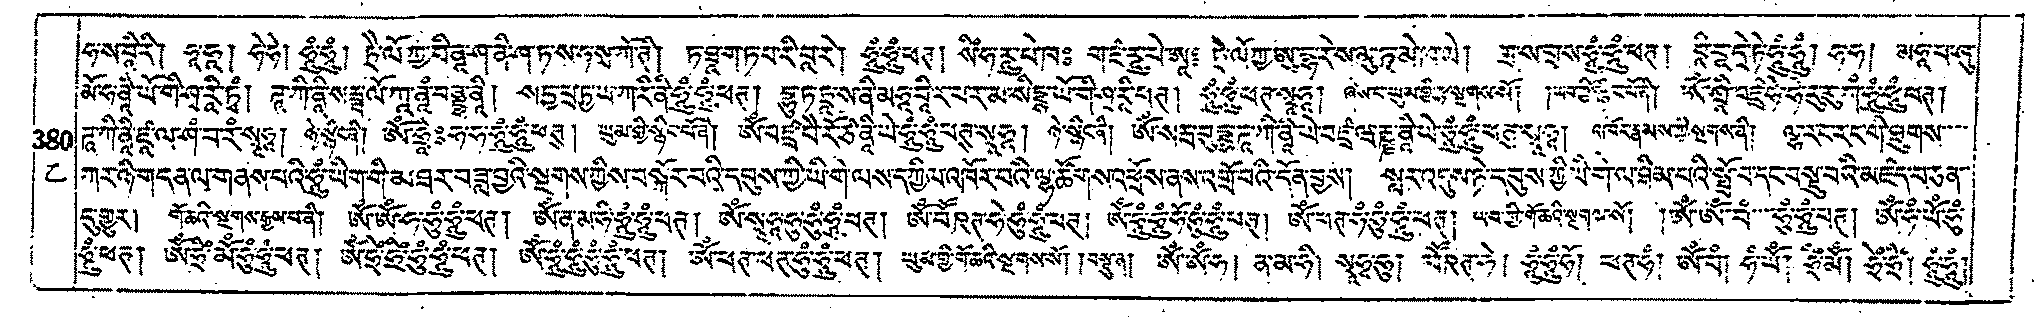ཧ་ས་བཱི་རི། ཧཱ་ཧཱ། ཧེ་ཧེ། ཧཱུཾ་ཧཱུཾ། ཏྲཻ་ལོ་ཀྱ་བི་ནཱ་ཤ་ནི་ཤ་ཏ་ས་ཧ་སྲ་ཀོ་ཊི། ཏ་ཐཱ་ག་ཏ་པ་རི་བཱ་རེ། ཧཱུཾ་ཧཱུཾ་ཕཊ། སིཾ་ཧ་རཱུ་པེ་ཁཿ ག་ཛ་རཱུ་པེ་ཨཱཿ ཏྲེ་ལོཀྱ་ཨུ་དྷ་རེ་ས་མུ་ཏྲ་མེ་ཁ་ལེ། གྲ་ས་གྲ་ས་ཧཱུཾ་ཧཱུཾ་ཕཊ། བཱི་རཱ་དྲེ་ཏེ་ཧཱུཾ་ཧཱུཾ། ཧ་ཧ། མྷཱ་པ་ཤུ་
མོ་ཧ་ནཱི་ཡོ་གི་ཤྭ་རཱི་ཏྭཾ། ཌཱ་ཀི་ནཱི་སརྦྦ་ལོ་ཀཱ་ནཱཾ་བནྡྷ་ནཱི། སདྱ་པྲ་ཏྱ་ཡ་ཀ་རི་ནི་ཧཱུཾ་ཧཱུཾ་ཕཊ། བྷུ་ཏ་ཏྲཱ་ས་ནི་མྷཱ་བཱི་ར་པ་ར་མ་སིདྡྷ་ཡོ་གི་ཤྭ་རཱི་ཕཊ། ཧཱུཾ་ཧཱུཾ་ཕཊ་སྭཱཧཱ། ཞེས་པ་ཡུམ་གྱི་རྩ་སྔགས་སོ། །ཡབ་ཀྱི་སྙིང་པོ་ནི།  ཨོཾ་ཤྲཱི་བཛྲ་ཧེ་ཧེ་རུ་རུ་ཀཾ་ཧཱུཾ་ཧཱུཾ་ཕཊ།
ཌཱ་ཀི་ནཱི་ཛཱ་ལ་ཤཾ་བ་རཾ་སྭཱཧཱ། ཉེ་སྙིང་ནི།  ཨོཾ་ཧྲཱིཿཧ་ཧ་ཧཱུཾ་ཧཱུཾ་ཕཊ། ཡུམ་གྱི་སྙིང་པོ་ནི།  ཨོཾ་བཛྲ་བཻ་རོ་ཙ་ནཱི་ཡེ་ཧཱུཾ་ཧཱུཾ་ཕཊྲ་སྭཱཧཱ། ཉེ་སྙིང་ནི།  ཨོཾ་སརྦ་བུདྡྷ་ཌཱ་ཀི་ནཱི་ཡེ་བཛྲ་ཝ་རྞྞ་ནཱི་ཡེ་ཧཱུཾ་ཧཱུཾ་ཕཊྲ་སྭཱཧཱ། འཁོར་རྣམས་ཀྱི་སྔགས་ནི་ལྷ་རང་རང་གི་ཐུགས་་་
ཀར་ཉི་གདན་ལ་གནས་པའི་ཧཱུཾ་ཡིག་གི་མཐར་བཟླ་བྱའི་སྔགས་ཀྱིས་བསྐོར་བའི་དབུས་ཀྱི་ཡི་གེ་ལས་དཀྱིལ་འཁོར་བའི་ལྷ་ཚོགས་འཕྲོས་ནས་འགྲོ་བའི་དོན་བྱས། སླར་འདུས་ཏེ་དབུས་ཀྱི་ཡི་གེ་ལ་ཐིམ་པའི་སྤྲོ་པ་དང་བསྡུ་བའི་མཛད་པ་ཅན་་་
དུ་གྱུར། གོ་ཆའི་སྔགས་རྒྱས་པ་ནི།  ཨོཾ་ཨོཾ་ཧ་ཧུཾ་ཧཱུཾ་ཕཊ། ཨོཾ་ན་མ་ཧི་ཧཱུཾ་ཧཱུཾ་ཕཊ། ཨོཾ་སྭཱཧཱ་ཧུ་ཧུཾ་ཧཱུཾ་ཕཊ། ཨོཾ་བཽཥཊ་ཧེ་ཧུཾ་ཧཱུཾ་ཕཊ། ཨོཾ་ཧཱུཾ་ཧཱུཾ་ཧོ་ཧུཾ་ཧཱུཾ་ཕཊ། ཨོཾ་ཕཊ་ཧཾ་ཧུཾ་ཧཱུཾ་ཕཊ། ཡབ་ཀྱི་གོ་ཆའི་སྔགས་སོ།  །ཨོཾ་ཨོཾ་བཾ་་་ཧུཾ་ཧཱུཾ་ཕཊ། ཨོཾ་ཧཾ་ཡོམ་ཧུཾ་
ཧཱུཾ་ཕཊ། ཨོཾ་ཧྲིཾ་མོཾ་ཧུཾ་ཧཱུཾ་ཕཊ། ཨོཾ་ཧྲེཾ་ཧྲིཾ་ཧུཾ་ཧཱུཾ་ཕཊ། ཨོཾ་ཧཱུཾ་ཧཱུཾ་ཧུཾ་ཧཱུཾ་ཕཊ། ཨོཾ་ཕཊ་ཕཊ་ཧུཾ་ཧཱུཾ་ཕཊ། ཡུམ་གྱི་གོ་ཆའི་སྔགས་སོ། །བསྡུ་ནས།  ཨོཾ་ཨོཾ་ཧ། ན་མ་ཧི། སྭཱཧཱ་ཧུ། བཽཥཊ་ཧེ། ཧཱུཾ་ཧཱུཾ་ཧོ། ཕཊ་ཧཾ། ཨོཾ་བཾ། ཧཾ་ཡོཾ། ཧྲིཾ་མོཾ། ཧྲེཾ་ཧྲིཾ། ཧཱུཾ་ཧཱུཾ།